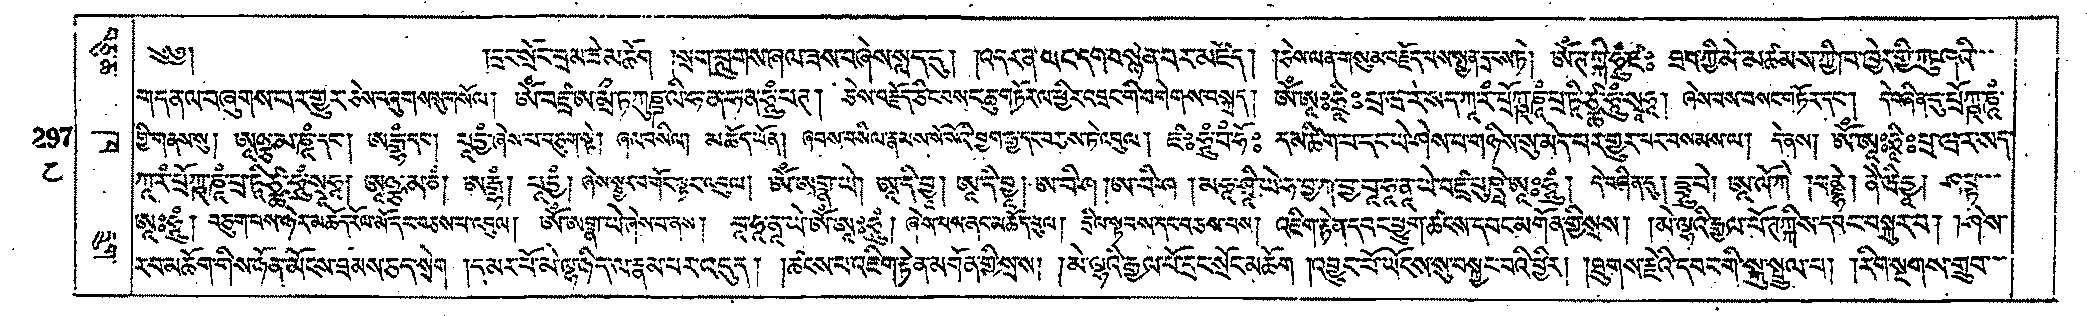༄༅། །དྲང་སྲོང་བྲམ་ཟེ་མཆོག །སྲག་བླུགས་ཞལ་ཟས་བཞེས་སླད་དུ། །འདིར་ན་ཡང་དག་བསྙེན་པར་མཛོད། །ཅེས་ལན་གསུམ་བརྗོད་པས་སྤྱན་དྲངས་ཏེ།  ཨོཾ་ཊཀྐི་ཧཱུཾ་ཛཿ ཐབ་ཀྱི་མེ་མཚམས་ཀྱི་ཁ་ཁྱེར་གྱི་ཀུ་ཤའི་་་
གདན་ལ་བཞུགས་པར་གྱུར་ཅེས་བཞུགས་སུ་གསོལ།  ཨོཾ་བཛྲ་ཨ་མྲྀ་ཏ་ཀུཎྜ་ལི་ཧ་ན་ཧ་ན་ཧཱུཾ་ཕཊ། ཅེས་བརྗོད་ཅིང་བསང་ཆུ་གཏོར་ལ་ཕྱིར་འབྲང་གི་བགེགས་བསྐྲད།  ཨོཾ་ཨཱཿཧྲཱིཿཔྲ་ཝ་ར་སད་ཀཱ་རཾ་པྲོཀྵ་ཎཱཾ་པྲ་ཏཱི་ཙྪ་ཧཱུཾ་སྭཱཧཱ། ཞེས་པས་བསང་གཏོར་དང་། དེ་བཞིན་དུ་པྲོཀྵ་ཎཱཾ་་་
གྱི་གནས་སུ།  ཨཱ་ཉྩ་མ་ཎཱཾ་དང་། ཨརྒྷཾ་དང་། པཱདྱཾ་ཞེས་པ་བཅུག་སྟེ། ཞལ་བསིལ། མཆོད་ཡོན། ཞབས་བསིལ་རྣམས་སོ་སོའི་ཕྱག་རྒྱ་དང་བཅས་ཏེ་འབུལ།  ཛཿཧཱུཾ་བཾ་ཧོཿ དམ་ཚིག་པ་དང་ཡེ་ཤེས་པ་གཉིས་སུ་མེད་པར་གྱུར་པར་བསམས་ལ། དེ་ནས།  ཨོཾ་ཨཱཿཧྲཱིཿཔྲ་ཝ་ར་སད་
ཀཱ་རཾ་པྲོཀྵ་ཎཱཾ་པྲ་ཏཱི་ཙྪ་ཧཱུཾ་སྭཱཧཱ། ཨཱཉྩ་མ་ཎཾ། ཨརྒྷཾ། པཱདྱཾ། ཞེས་སྦྱར་བ་གོང་ལྟར་འབུལ།  ཨོཾ་ཨགན་ཡེ། ཨཱ་དི་བྱཱ། ཨཱ་དི་བྱཱ། ཨ་བི་ཤ་།ཨ་བི་ཤ་།མཧཱ་ཤྲཱི་ཡེ་ཧ་བྱ་ཀ་བྱ་བཱ་ཧཱ་ནཱ་ཡེ་བཛྲ་པུཥྤེ་ཨཱཿཧཱུཾ། དེ་བཞིན་དུ།  དྷཱུ་པེ། ཨཱ་ལོ་ཀེ །གནྡྷེ། ནཻཝིདྷྱཱ། ཤཔྟ་་་
ཨཱཿཧཱུཾ། བཅུག་པས་ཉེར་མཆོད་རོལ་མོ་དང་བཅས་པ་འབུལ།  ཨོཾ་ཨགན་ཡེ་ཞེས་པ་ནས། བཱ་ཧཱ་ནཱ་ཡེ་ཨོཾ་ཨཱཿཧཱུཾ། ཞེས་པས་ནང་མཆོད་ཕུལ། དྲིལ་སྟབས་དང་བཅས་པས།  འཇིག་རྟེན་དབང་ཕྱུག་ཚངས་དབང་མགོན་གྱི་སྲས། །མེ་ལྷའི་རྒྱལ་པོ་ཊཀྐིས་དབང་བསྐུར་བ། །ཤེས་
རབ་མཆོག་གིས་ཉོན་མོངས་ཐམས་ཅད་སྲེག །དམར་པོ་མེ་ལྷ་ཉིད་ལ་རྣམ་པར་འདུད། །ཚངས་པ་འཇིག་རྟེན་མགོན་གྱི་སྲས། །མེ་ལྷའི་རྒྱལ་པོ་དྲང་སྲོང་མཆོག །འབྱུང་པོ་ཡོངས་སུ་བསྐྱང་བའི་ཕྱིར། །ཐུགས་རྗེའི་དབང་གི་སྐུ་སྤྲུལ་པ། །རིག་སྔགས་གྲུབ་་་